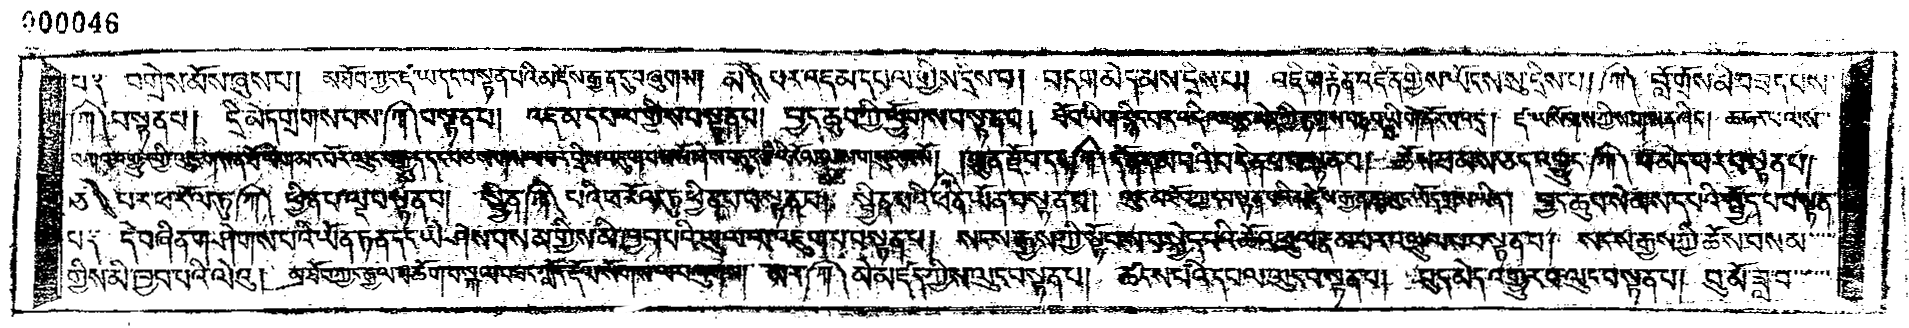པ༑ བགྲེས་མོས་ཞུས་པ་མ་ཐོབ་ཀྱང་ཛ་ཡ་དང་བསྟན་པའི་མཛེས་རྒྱན་དུ་བཞུགས།  མ༼༽ པར་འཇམ་དཔལ་གྱིས་དྲིས་པ། བདག་མེད་མས་དྲིས་པ། འཇིག་རྟེན་འཛིན་གྱིས་ཡོངས་སུ་དྲིས་པ། ༼ཀ༽ བློ་གྲོས་མི་བཟད་པས་
༼ཀ༽ བསྟན་པ། དྲི་མེད་གྲགས་པས ༼ཀ༽ བསྟན་པ། འཇམ་དཔལ་གྱིས་བསྟན་པ། བྱང་ཆུབ་ཀྱི་ཕྱོགས་བསྟན་པ་ཐོབ་ཡིག་རྙིང་བར་འདི་ལ་ལུང་མེད་ཀྱི་རྟགས་བཏབ་པ་ཡི་གེ་ནོར་བ་འདྲ། ཛ་ཡ་སོགས་ཀྱིས་གསན་ཞིང་། ཆ་ཧར་པ་ལས་
བཀའ་འགྱུར་གྱི་ལུང་གསན་ཐོ་ཡིག་མང་པོར་ལུང་བརྒྱུད་དང་བཅས་གསལ་བར་བྲིས་འདུག་པས་སོ་ཞེས་བདུད་རྩིའི་རོལ་མཚོ་ལས་གསུངས་སོ། །ཀུན་རྫོབ་དང ༼ཀ༽ དོན་དམ་པའི་བདེན་པ་བསྟན་པ། ཆོས་ཐམས་ཅད་འབྱུང ༼ཀ༽ བ་མེད་པར་བསྟན་པ།
ཙ༼༽ པར་ཕ་རོལ་ཏུ ༼ཀ༽ ཕྱིན་པ་ལྔ་བསྟན་པ། སྦྱིན ༼ཀ༽ པའི་ཕ་རོལ་ཏུ་ཕྱིན་པ་བསྟན་པ། སྦྱིན་པའི་ཕན་ཡོན་བསྟན་པ། ལུང་མ་ཐོབ་ཀྱང་བསྟན་པའི་མཛེས་རྒྱན་དུ་ལུང་ཡོད་གྲས་ཡིན།  བྱང་ཆུབ་སེམས་དཔའི་སྤྱོད་པ་བསྟན་
པ༑ དེ་བཞིན་གཤེགས་པའི་ཡོན་ཏན་དང་ཡེ་ཤེས་བསམ་གྱིས་མི་ཁྱབ་པའི་ཡུལ་ལ་འཇུག་པ་བསྟན་པ། སངས་རྒྱས་ཀྱི་སྟོབས་བསྐྱེད་པའི་ཆོ་འཕྲུལ་རྣམ་པར་འཕྲུལ་པ་བསྟན་པ། སངས་རྒྱས་ཀྱི་ཆོས་བསམ་
གྱིས་མི་ཁྱབ་པའི་ལེའུ་མ་ཐོབ་ཀྱང་རྒྱལ་མཆོག་བསྐལ་བཟང་ཀློང་རྡོལ་སོགས་ལ་བཞུགས།  མར ༼ཀ༽ མེ་མཛད་ཀྱིས་ལུང་བསྟན་པ། ཚངས་པའི་དཔལ་ལུང་བསྟན་པ། བུད་མེད་འགྱུར་བ་ལུང་བསྟན་པ། བུ་མོ་ཟླ་བ་